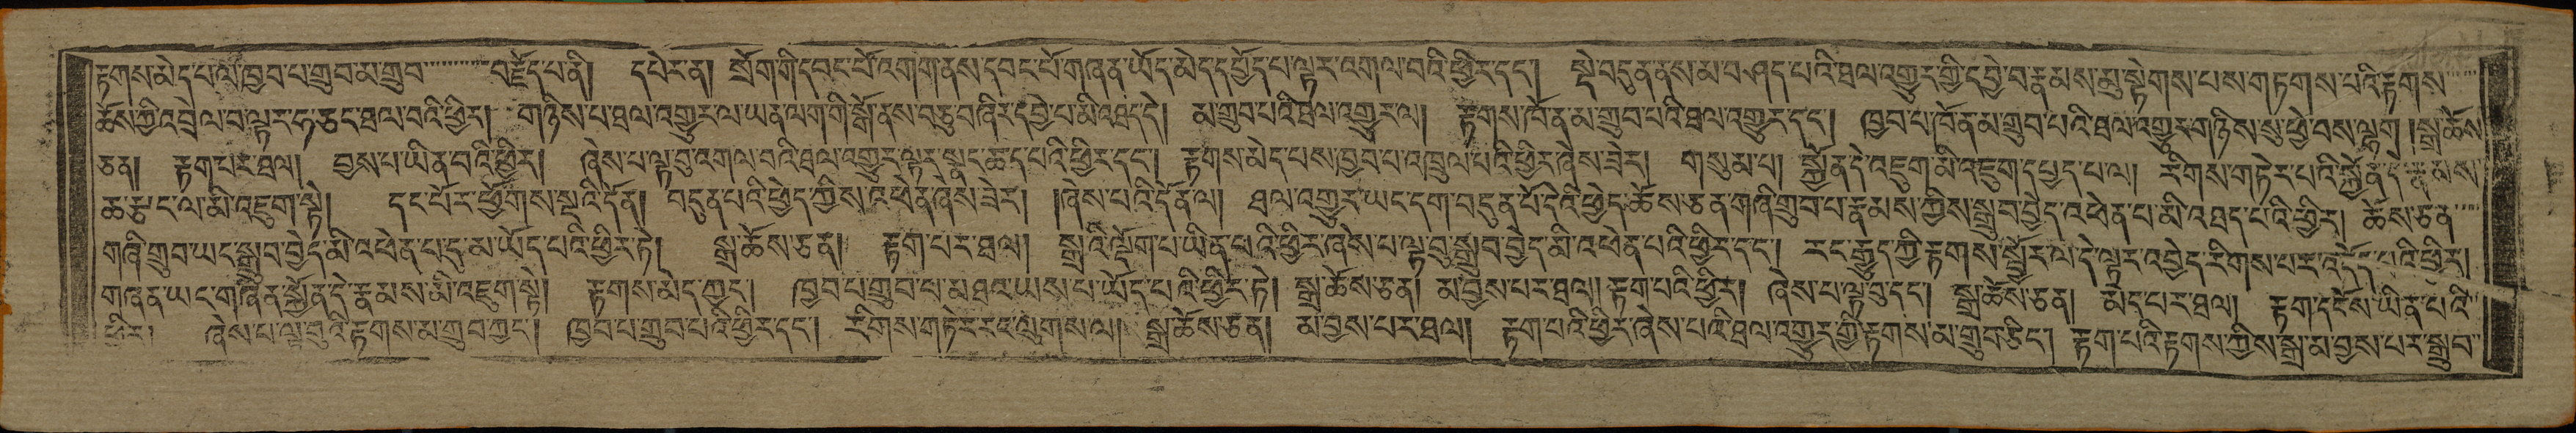རྟགས་མེད་པ་ལ་ཁྱབ་པ་གྲུབ་མ་གྲུབ་བརྗོད་པ་ནི། དཔེར་ན། སྲོག་གི་དབང་པོ་འགག་ནས་དབང་པོ་གཞན་ཡོད་མེད་དཔྱོད་པ་ལྟར་འགལ་བའི་ཕྱིར་དང་། སྡེ་བདུན་ནས་མ་བཤད་པའི་ཐལ་འགྱུར་གྱི་དབྱེ་བ་རྣམས་མུ་སྟེགས་པས་གཏགས་པའི་རྟགས་
ཆོས་ཀྱི་འབྲེལ་བ་ལྟར་ཧ་ཅང་ཐལ་བའི་ཕྱིར། གཉིས་པ་ཐལ་འགྱུར་ལ་ཡན་ལག་གི་སྒོ་ནས་བཅུ་བཞིར་དབྱེ་བ་མི་འཐད་དེ། མ་གྲུབ་པའི་ཐལ་འགྱུར་ལ། རྟགས་ཁོ་ན་མ་གྲུབ་པའི་ཐལ་འགྱུར་དང་། ཁྱབ་པ་ཁོ་ན་མ་གྲུབ་པའི་ཐལ་འགྱུར་གཉིས་སུ་ཕྱེ་བས་ལྷག །སྒྲ་ཆོས་
ཅན། རྟག་པར་ཐལ། བྱས་པ་ཡིན་པའི་ཕྱིར། ཞེས་པ་ལྟ་བུ་འགལ་བའི་ཐལ་འགྱུར་ལྟར་སྣང་ཆད་པའི་ཕྱིར་དང་། རྟགས་མེད་པས་ཁྱབ་པ་འཁྲུལ་པའི་ཕྱིར་ཞེས་ཟེར། གསུམ་པ། སྐྱོན་དེ་འཇུག་མི་འཇུག་དཔྱད་པ་ལ། རིགས་གཏེར་པའི་སྐྱོན་དེ་རྣམས་
ཆ་རྩང་ལ་མི་འཇུག་སྟེ། དང་པོར་ཕྱོགས་སྔའི་དོན། བདུན་པའི་ཕྱེད་ཀྱིས་འཕེན་ཞེས་ཟེར། །ཞེས་པའི་དོན་ལ། ཐལ་འགྱུར་ཡང་དག་བདུན་པོ་དེའི་ཕྱེད་ཆོས་ཅན་གཞི་གྲུབ་པ་རྣམས་ཀྱིས་སྒྲུབ་བྱེད་འཕེན་པ་མི་འཐད་པའི་ཕྱིར། ཆོས་ཅན་
གཞི་གྲུབ་པའི་སྒྲུབ་བྱེད་མི་འཕེན་པ་དུ་མ་ཡོད་པའི་ཕྱིར་ཏེ། སྒྲ་ཆོས་ཅན། རྟག་པར་ཐལ། སྒྲའི་ལྡོག་པ་ཡིན་པའི་ཕྱིར་ཞེས་པ་ལྟ་བུ་སྒྲུབ་བྱེད་མི་འཕེན་པའི་ཕྱིར་དང་། རང་རྒྱུད་ཀྱི་རྟགས་སྦྱོར་ལ་དེ་ལྟར་འབྱེད་རིགས་པར་འདོད་པའི་ཕྱིར།
གཞན་ཡང་གཞན་སྐྱོན་དེ་རྣམས་མི་འཇུག་སྟེ། རྟགས་མེད་ཀྱང་། ཁྱབ་པ་གྲུབ་པ་མཐའ་ཡས་པ་ཡོད་པའི་ཕྱིར་ཏེ། སྒྲ་ཆོས་ཅན། མ་བྱས་པར་ཐལ། རྟག་པའི་ཕྱིར། ཞེས་པ་ལྟ་བུ་དང་། སྒྲ་ཆོས་ཅན། མེད་པར་ཐལ། རྟག་དངོས་ཡིན་པའི་
ཕྱིར། ཞེས་པ་ལྟ་བུའི་རྟགས་མ་གྲུབ་ཀྱང་། ཁྱབ་པ་གྲུབ་པའི་ཕྱིར་དང་། རིགས་གཏེར་རང་ལུགས་ལ། སྒྲ་ཆོས་ཅན། མ་བྱས་པར་ཐལ། རྟག་པའི་ཕྱིར་ཞེས་པའི་ཐལ་འགྱུར་གྱི་རྟགས་མ་གྲུབ་ཅིང་། རྟག་པའི་རྟགས་ཀྱིས་སྒྲ་མ་བྱས་པར་སྒྲུབ་